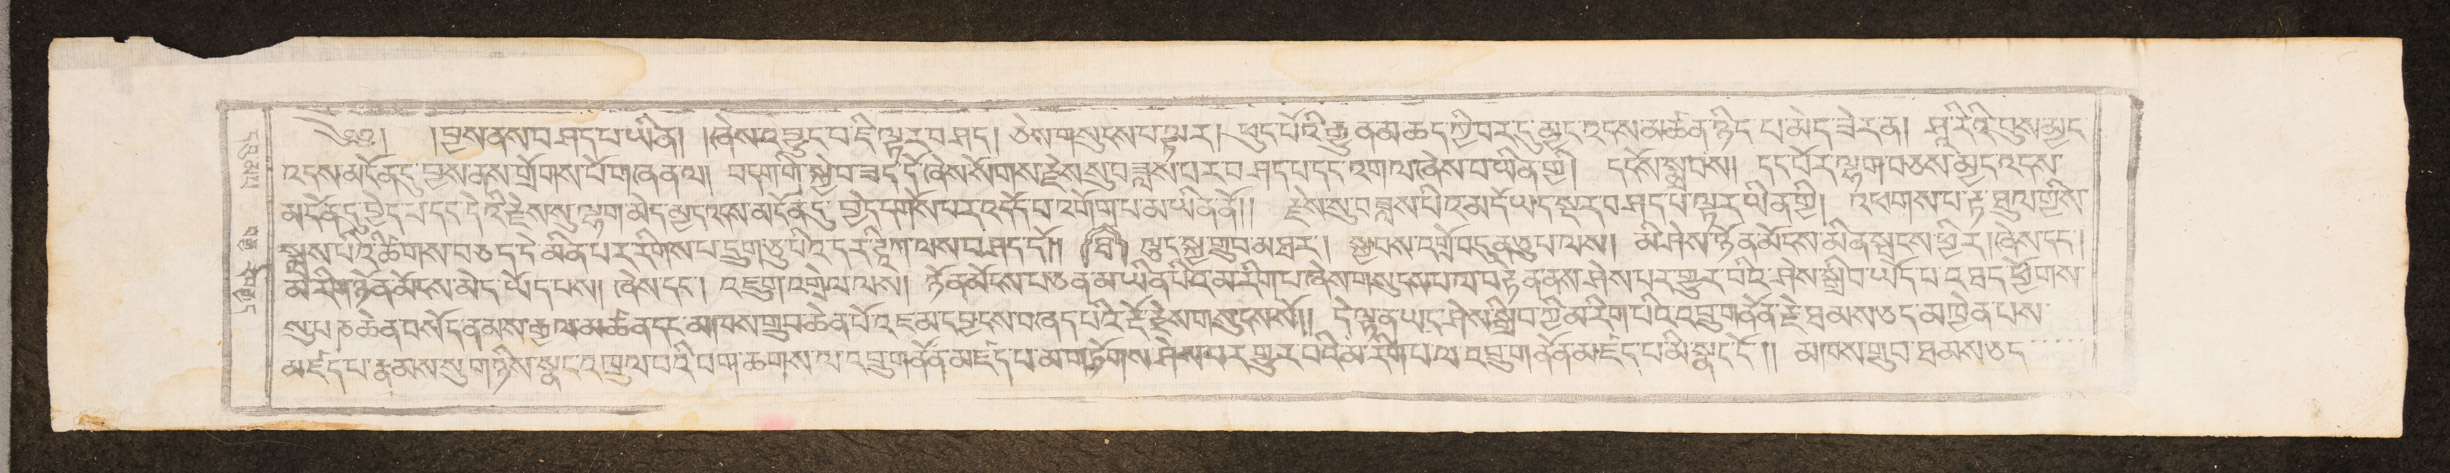༄༅། །བྱས་ནས་བཤད་པ་ཡིན། །ཞེས་འབྱུང་བ་ཇི་ལྟར་བཤད། ཅེས་གསུངས་པ་ལྟར། ཕུང་པོའི་རྒྱུན་མ་ཆད་ཀྱི་བར་དུ་མྱང་འདས་མཚན་ཉིད་པ་མེད་ཟེར་ན། ཤཱ་རིའི་བུས་མྱང་
འདས་མངོན་དུ་བྱས་ནས་གྲོགས་པོ་གཞན་ལ། བདག་གི་སྐྱེ་བ་ཟད་དོ་ཞེས་སོགས་རྗེས་སུ་བཟླས་པར་བཤད་པ་དང་འགལ་ཞེས་པ་ཡིན་གྱི། དངོས་སྨྲ་བས། དང་པོར་ལྷག་བཅས་མྱང་འདས་
མངོན་དུ་བྱེད་པ་དང་དེའི་རྗེས་སུ་ལྷག་མེད་མྱང་འདས་མངོན་དུ་བྱེད་དགོས་པར་འདོད་པ་འགོག་པ་མ་ཡིན་ནོ།། རྗེས་སུ་བཟླས་པའི་མདོ་ཡང་སྔར་བཤད་པ་ལྟར་ཡིན་གྱི། འཕགས་པ་རྟ་ཐུལ་གྱིས་
སྨྲས་པའི་ཚིགས་བཅད་དེ་མིན་པར་རིགས་པ་དྲུག་ཅུ་པའི་དར་ཊཱིཀ་ལས་བཤད་དོ།། ༼༽ཐ༼༽ ལྕང་སྐྱ་གྲུབ་མཐར། སྐྱབས་འགྲོ་བདུན་ཅུ་པ་ལས། མི་ཤེས་ཉོན་མོངས་མིན་སྤྲངས་ཕྱིར། ཞེས་དང་།
མ་རིག་ཉོན་མོངས་མེད་ཡོད་པས། ཞེས་དང་། འཇུག་འགྲེལ་ལས། ཉོན་མོངས་པ་ཅན་མ་ཡིན་པའི་མ་རིག་པ་ཞེས་གསུངས་པ་ལ་བརྟེན་ནས་ཤེས་པར་གྱུར་བའི་ཤེས་སྒྲིབ་ཡོད་པ་འཐད་ཕྱོགས་
སུ་པཎ་ཆེན་བསོད་ནམས་རྒྱལ་མཚན་དང་མཁས་གྲུབ་ཆེན་པོ་འཇམ་དབྱངས་བཞད་པའི་རྡོ་རྗེས་གསུངས་སོ།། དེ་ལྟ་ན་ཡང་ཤེས་སྒྲིབ་ཀྱི་མ་རིག་པའི་འབྲུ་གནོན་རྗེ་ཐམས་ཅད་མཁྱེན་པས་
མཛད་པ་རྣམས་སུ་གཉིས་སྣང་འཁྲུལ་བའི་བག་ཆགས་ལ་འབྲུ་གནོན་མཛད་པ་མ་གཏོགས་ཤེས་པར་གྱུར་བའི་མ་རིག་པ་ལ་འབྲུ་གནོན་མཛད་པ་མི་སྣང་ངོ། །མཁས་གྲུབ་ཐམས་ཅད་